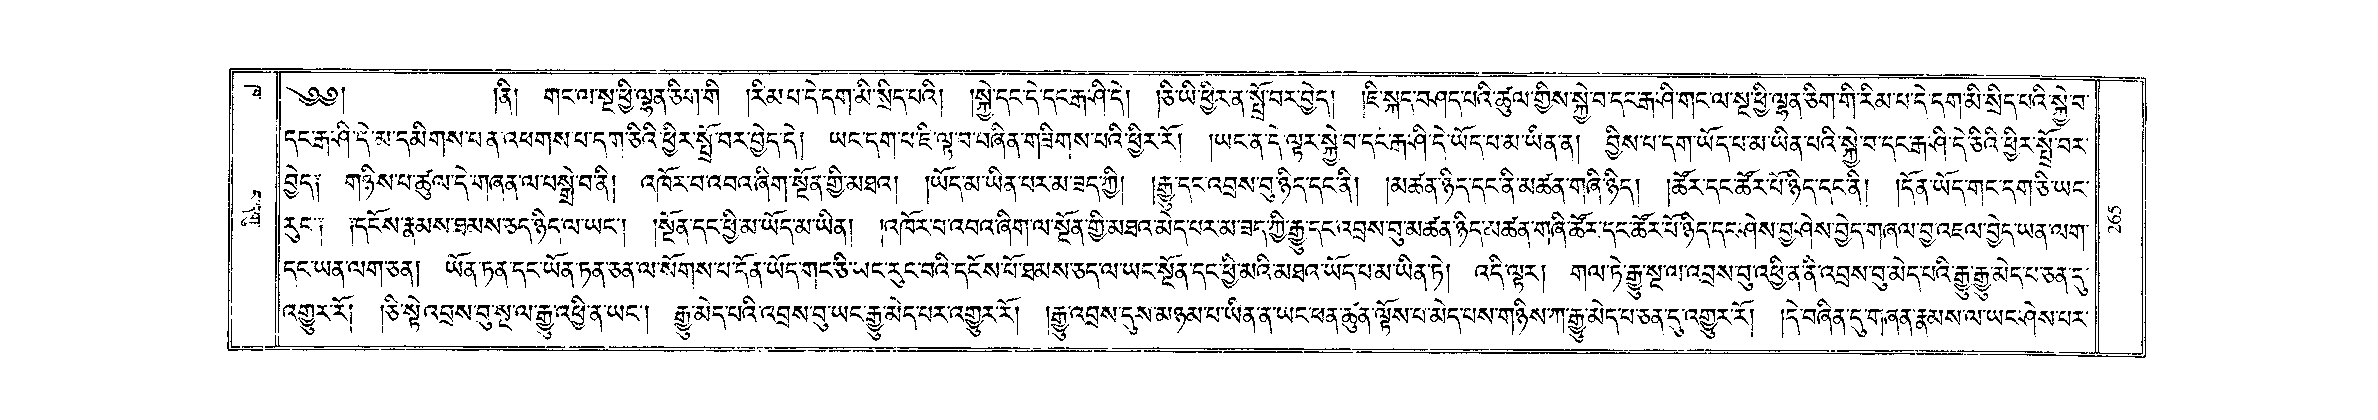༄༅། །ནི། གང་ལ་སྔ་ཕྱི་ལྷན་ཅིག་གི །རིམ་པ་དེ་དག་མི་སྲིད་པའི། །སྐྱེ་དང་དེ་དང་རྒ་ཤི་དེ། །ཅི་ཡི་ཕྱིར་ན་སྤྲོ་བར་བྱེད། །ཇི་སྐད་བཤད་པའི་ཚུལ་གྱིས་སྐྱེ་བ་དང་རྒ་ཤི་གང་ལ་སྔ་ཕྱི་ལྷན་ཅིག་གི་རིམ་པ་དེ་དག་མི་སྲིད་པའི་སྐྱེ་བ་
དང་རྒ་ཤི་དེ་མ་དམིགས་པ་ན་འཕགས་པ་དག་ཅིའི་ཕྱིར་སྤྲོ་བར་བྱེད་དེ། ཡང་དག་པ་ཇི་ལྟ་བ་བཞིན་གཟིགས་པའི་ཕྱིར་རོ། །ཡང་ན་དེ་ལྟར་སྐྱེ་བ་དང་རྒ་ཤི་དེ་ཡོད་པ་མ་ཡིན་ན། བྱིས་པ་དག་ཡོད་པ་མ་ཡིན་པའི་སྐྱེ་བ་དང་རྒ་ཤི་དེ་ཅིའི་ཕྱིར་སྤྲོ་བར་
བྱེད༑ གཉིས་པ་ཚུལ་དེ་གཞན་ལ་བསྒྲེ་བ་ནི། འཁོར་བ་འབའ་ཞིག་སྔོན་གྱི་མཐའ། །ཡོད་མ་ཡིན་པར་མ་ཟད་ཀྱི། །རྒྱུ་དང་འབྲས་བུ་ཉིད་དང་ནི། །མཚན་ཉིད་དང་ནི་མཚན་གཞི་ཉིད། །ཚོར་དང་ཚོར་པོ་ཉིད་དང་ནི། །དོན་ཡོད་གང་དག་ཅི་ཡང་
རུང༑ ༑དངོས་རྣམས་ཐམས་ཅད་ཉིད་ལ་ཡང་། །སྔོན་དང་ཕྱི་མ་ཡོད་མ་ཡིན། །འཁོར་བ་འབའ་ཞིག་ལ་སྔོན་གྱི་མཐའ་མེད་པར་མ་ཟད་ཀྱི་རྒྱུ་དང་འབྲས་བུ་མཚན་ཉིད་མཚན་གཞི་ཚོར་དང་ཚོར་པོ་ཉིད་དང་ཤེས་བྱ་ཤེས་བྱེད་གཞལ་བྱ་འཇལ་བྱེད་ཡན་ལག་
དང་ཡན་ལག་ཅན། ཡོན་ཏན་དང་ཡོན་ཏན་ཅན་ལ་སོགས་པ་དོན་ཡོད་གང་ཅི་ཡང་རུང་བའི་དངོས་པོ་ཐམས་ཅད་ལ་ཡང་སྔོན་དང་ཕྱི་མའི་མཐའ་ཡོད་པ་མ་ཡིན་ཏེ། འདི་ལྟར། གལ་ཏེ་རྒྱུ་སྔ་ལ་འབྲས་བུ་འཕྱི་ན་ནི་འབྲས་བུ་མེད་པའི་རྒྱུ་རྒྱུ་མེད་པ་ཅན་དུ་
འགྱུར་རོ། །ཅི་སྟེ་འབྲས་བུ་སྔ་ལ་རྒྱུ་འཕྱི་ན་ཡང་། རྒྱུ་མེད་པའི་འབྲས་བུ་ཡང་རྒྱུ་མེད་པར་འགྱུར་རོ། །རྒྱུ་འབྲས་དུས་མཉམ་པ་ཡིན་ན་ཡང་ཕན་ཚུན་ལྟོས་པ་མེད་པས་གཉིས་ཀ་རྒྱུ་མེད་པ་ཅན་དུ་འགྱུར་རོ། །དེ་བཞིན་དུ་གཞན་རྣམས་ལ་ཡང་ཤེས་པར་